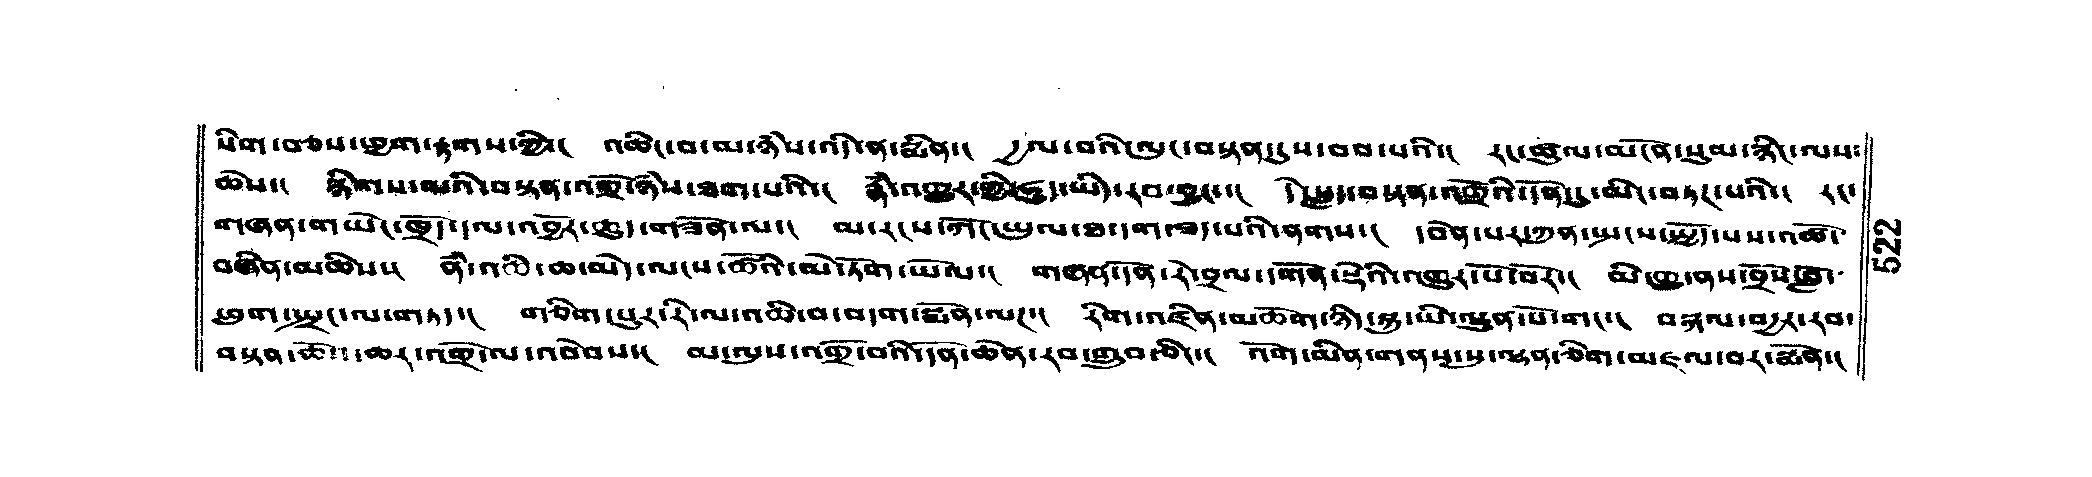སིག་བཅས་ཕྱག་རྟགས་ཀྱི། །འཆིང་བ་མ་ཉམས་འདི་ན་སྨིན། །རྒྱལ་བའི་ལུང་བསྟན་དུས་བབ་པའི། །རང་ཚུལ་མངོན་སུམ་སྙིང་ལས་
ཆེས། །སྙིགས་མའི་བསྟན་འགྲོ་ཉམས་ཐག་པའི། །རྣམ་འགྱུར་ཀྱི་ཧུད་ཡིད་རབ་བྱུང་། །དེ་སླད་བསྟན་འགྲོའི་དོན་དུ་མིང་བཏགས་པའི། །རང་
གཞན་གཡེང་ཁྲོད་དལ་འབྱོར་ཆུད་གཟན་ལ། །མ་རངས་ཀོང་ཡུལ་ཐ་དག་ཟད་པའི་ནགས། །དབེན་པར་ཀུན་སྤངས་སྤྱོད་པས་འཚོ་
བཞིན་མཆིས། །ནམ་འཆི་ཆ་མེད་ལང་ཚོའི་མེ་ཏོག་ཡལ། །གཞན་དོན་རེ་བྲལ་དགོན་སྡེའི་འཁུར་པོ་བོར། །མི་ཁྱུ་ནས་བྲོས་བློ་
ཕུགས་སྤྲང་ལ་གཏད། །གཅིག་པུར་རི་ལ་འཆི་བ་བདག་སྨོན་ལགས། །རིག་འཛིན་མཆོག་ཉིད་སྐུ་ཡི་ལྷུན་པོ་གང་། །བསྐལ་བརྒྱར་རབ་
བརྟན་ཆོས་ཆར་འགྲོ་ལ་འབེབས། །མ་ལུས་འགྲོ་བའི་དོན་ཆེན་རབ་གྲུབ་ཅིང་། །འོག་མིན་གནས་སུ་ལྷན་ཅིག་མཇལ་བར་སྨོན།།